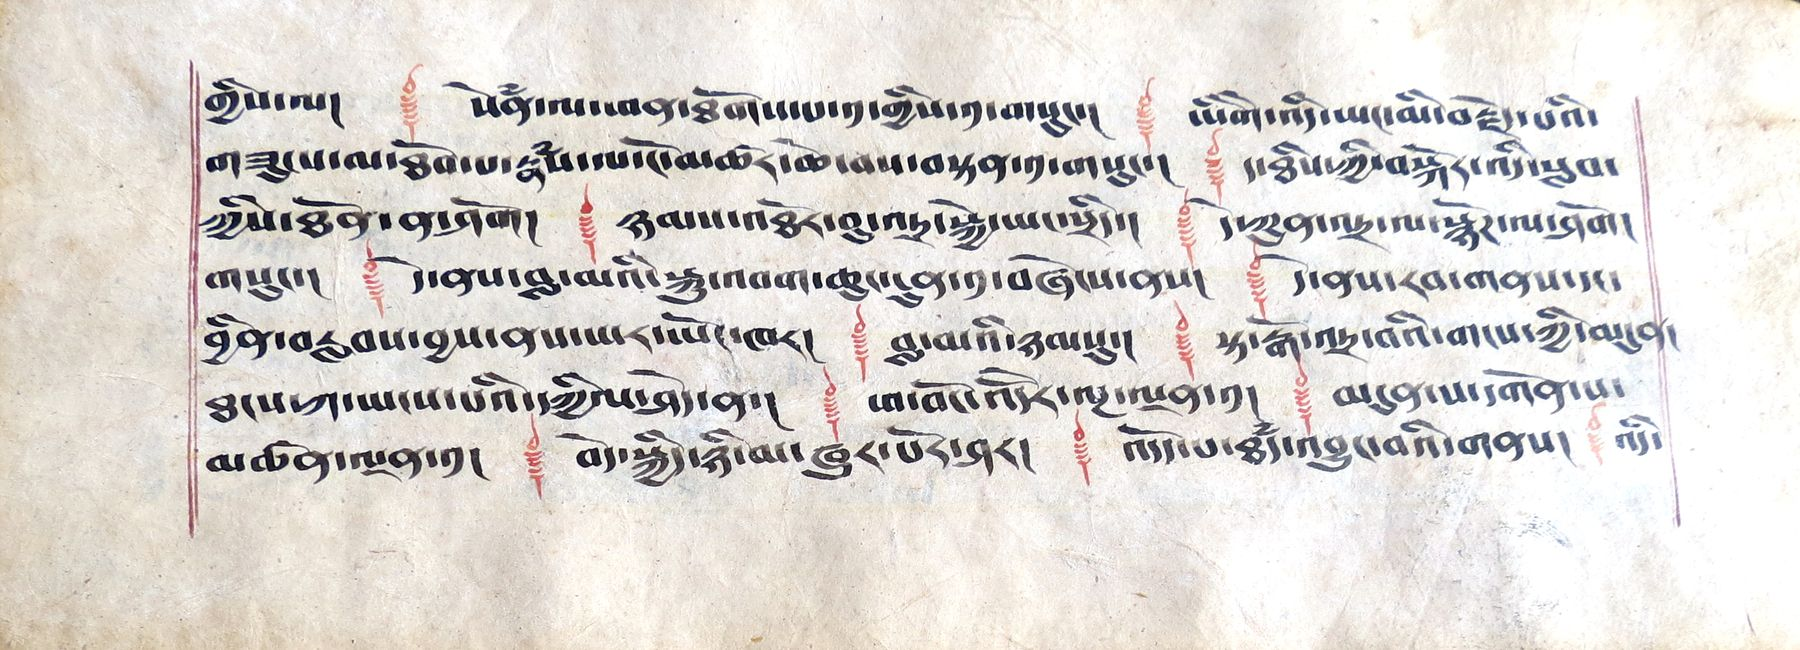གྱིས་ལ། སེམས་ཅན་ལ་ཕན་ཐོགས་པ་ཞིག་གྱིས་ཤིག་གསུངས། ཡི་གེ་འདི་ཡང་མི་བརྗེད་པའི་
གཟུངས་མ་ཐོབ་པ་རྣམས་ལ་ངོ་མཚར་ཆེ་བས་སྟོན་ཅིག་གསུངས། ད་ཐིས་ཀྱི་སྐོར་འདི་བསླབ་
ཀྱི་ཐོན་ན་ཤོག ཉམས་འཐོར་བུ་འདྲ་སྐྱེ་ཡང་སྲིད། དེ་ཀུན་འདྲ་ལ་སྙོགས་ལ་ཤོག་
གསུངས། དེ་ནས་བླ་མའི་སྐུ་འབག་ཆུང་ངུན་ཞིག་བཞེངས་ནས། དེ་ནས་རབ་གནས་དང་
བྱིན་རླབས་བྱས་ནས་ཡར་ཡོང་ཁར་བླ་མའི་ཉམས་སུ་རྟ་སྒོ་འདྲ་བའི་གངས་ཀྱི་མདུན། 
ཐང་ཁ་ཡངས་པའི་དཀྱིལ་ཤེད་ན། ཕ་བོང་འོད་ཟེར་ལྔ་ལྡན་ཞིག མདུན་ན་དགོན་པ་
མཚན་ལྡན་ཞིག བདེ་སྐྱིད་ཉི་མ་ཞུར་པོར་ཤར། འདོད་པ་ཐམས་ཅད་འབྱུང་བའི་གནས། འདི་